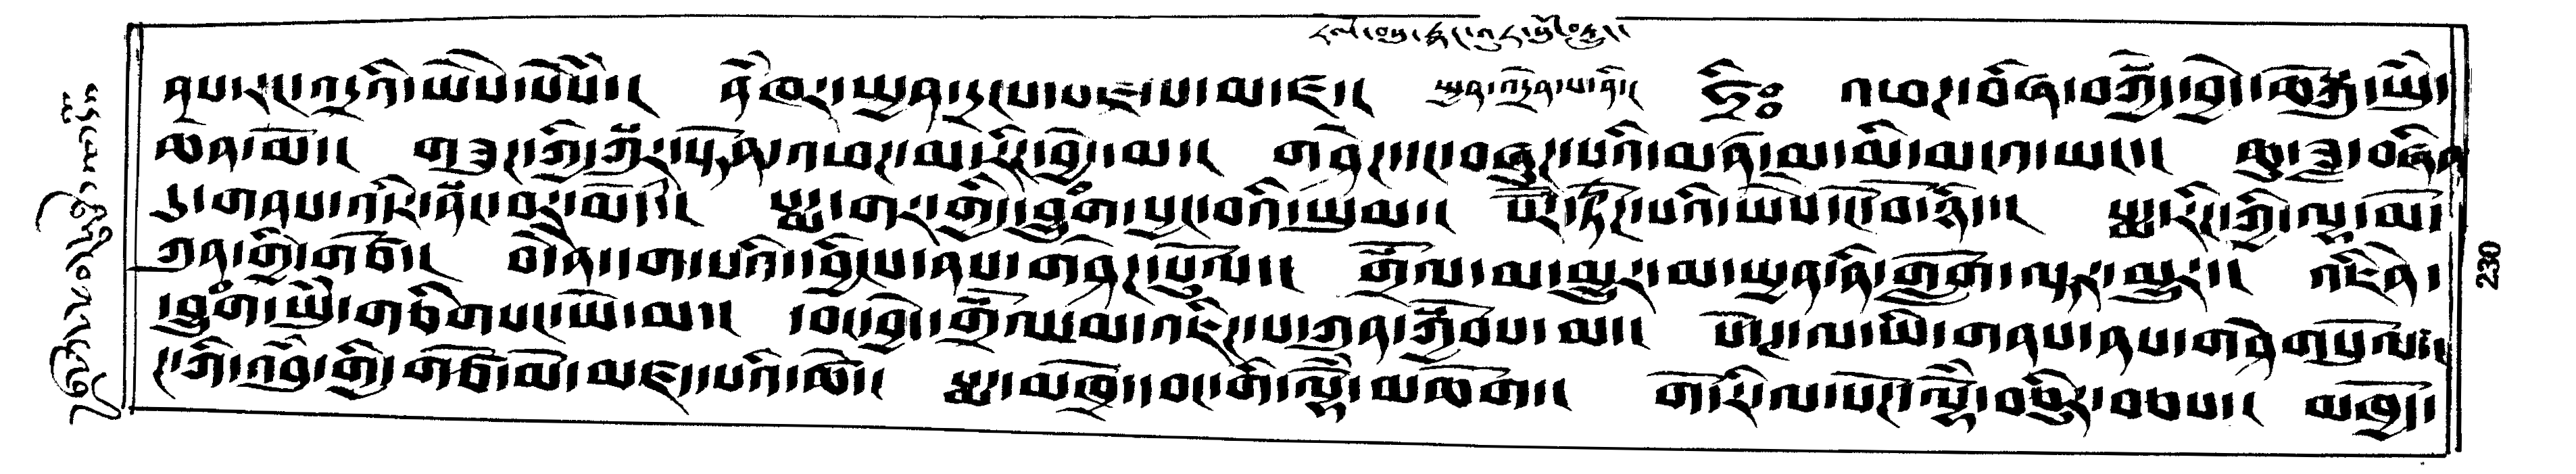ནས་རང་འདྲའི་ཡེ་ཤེས་སེམས། །ནམ་མཁར་སྤྱན་དྲངས་བཛྲ་ས་མ་ཛ། །སྤྱན་འདྲེན་པ་ནི། ཧྲཱིཿ འཕགས་བཞི་བསྐྱེད་བྱེད་ཆོས་སྐུ་ཡུམ་
ཆེན་མོ། །གཟུགས་ཀྱི་སྐུར་སྟོན་འཕགས་མ་རིག་བྱེད་མ། གཤེགས་དང་བཞུགས་པའི་མཚན་མ་མི་མངའ་ཡང་། །ཆུ་ཟླ་བཞིན་
དུ་གནས་འདིར་སྣང་བར་མཛོད། །པདྨ་གར་གྱི་དབང་ཕྱུག་གསང་བའི་ཡུམ། །སོ་སོར་རྟོག་པའི་ཡེ་ཤེས་ངོ་བོ་ཉིད། །པདྨ་རིགས་ཀྱི་ལྷ་མོ་
ཀུན་ཀྱི་གཙོ། །བདེ་ཆེན་དག་པའི་དབྱིངས་ནས་གཤེགས་སུ་གསོལ། །སྒྲོལ་མ་མྱུར་མ་སྤྱན་ནི་གློག་ལྟར་མྱུར། །འཇིག་རྟེན་
དབང་ཕྱུག་ཡུམ་གཅིག་གསང་ཡེ་མ། །དབང་བྱེད་སྒྲོལ་མ་འཇིགས་པ་ཀུན་སྐྱོབ་མ། །པོ་ཊ་ལ་ཡི་གནས་ནས་གཤེགས་སུ་གསོལ། །
ཌཱ་ཀི་འབུམ་གྱི་གཙོ་མོ་མཛད་པའི་ཚེ། །པདྨ་མཁའ་འགྲོ་དབང་གི་ལྷ་མོ་མཆོག །གཽ་རི་ལ་སོགས་ལྷ་མོ་བཅུ་བཞིར་བཅས། །མཁའ་སྤྱོད་